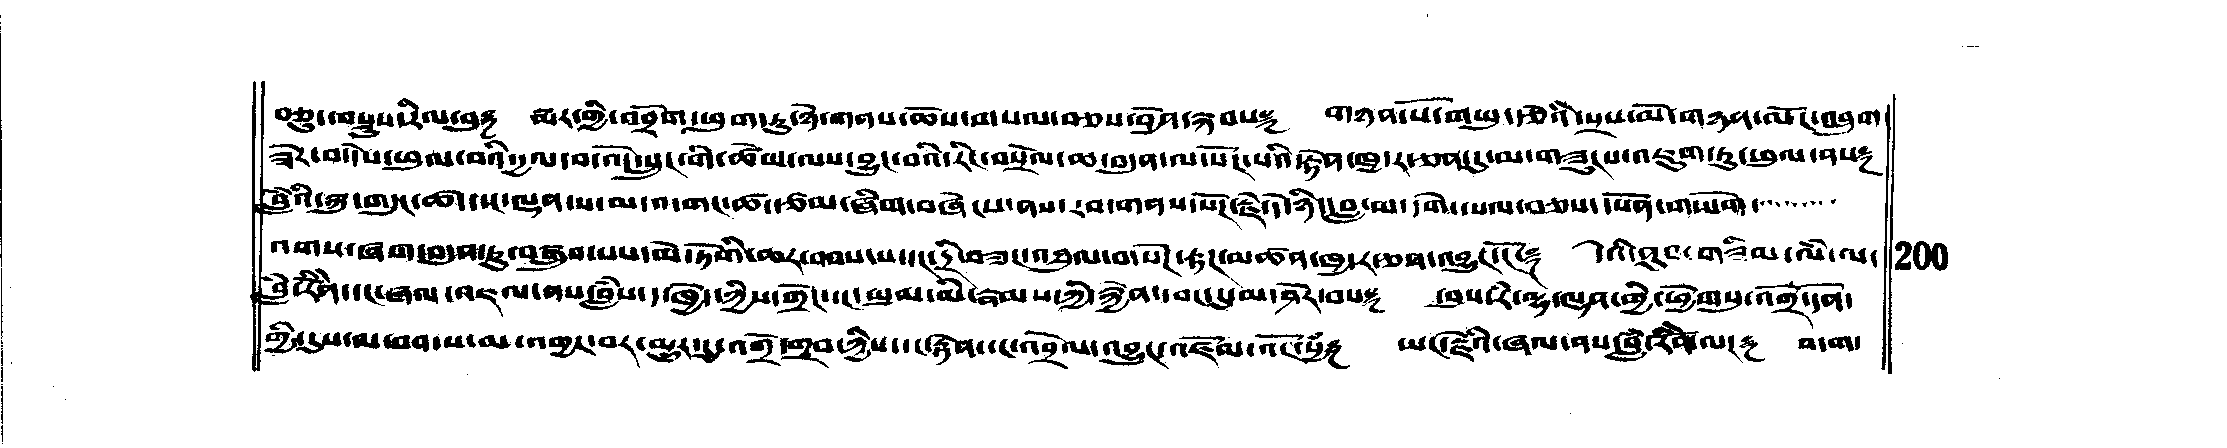བཅུད་བསྡུས་རིལ་བུ། སྨར་གྱི་འབྲོག་ཕུག་ཏུ་ཉེ་གནས་ཆོས་གསལ་བཅས་བྱོན་སྐབས། གཉན་པོ་གཡུ་རྩེའི་སྲས་མོ་གཉན་མོང་འབྲུག་
ཟེར་བ་དེས་ཕུལ་བའི་རྒྱལ་བ་འོད་སྲུང་གི་ཚེམས་ལས་བྱུང་བའི་རིང་བསྲེལ་ཆ་བདུན་ལ་སོགས་པའི་རྟེན་ཁྱད་པར་ཅན་དུ་མ་གཟུངས་འཇུག་ཏུ་ཕུལ་ནས།
བླ་མའི་སྐུ་གདུང་ཚད་དང་ལྡན་པ་མདའ་གང་ཚད་ཙམ་ཞིག་བཞེངས་ནས་རབ་གནས་སོགས་རྗེ་དེ་ཉིད་བླ་མ་དགེ་དཔལ་བཅས་དཔོན་གཡོག་
འགས་ཞག་བདུན་དུ་བསྒྲུབས་པས་མེ་ཏོག་གི་ཆར་བབས་པ་དང་དྲི་བཟང་འཐུལ་བ་སོགས་རྟགས་མཚན་ཁྱད་པར་ཅན་བྱུང་ངོ་། དེའི་ནུབ་གཟིམ་ལམ་ལ་
བླ་མ་རིན་པོ་ཆེ་དང་ཞལ་མཇལ་ནས་བླ་མས་ད་ཁྱོད་ཀྱིས་གྲོགས་དག་ཡུལ་མི་རྣམས་ཀྱི་རྐྱེན་དབང་དུ་མ་ཤོར་བས། དབུས་རི་ལྷ་ལྡན་གྱི་ཕྱོགས་སུ་འགྲོ་དོན་
གྱི་དུས་ལ་བབ་པ་མ་འགྱང་བར་མྱུར་དུ་འགྲོ་གྲབས་ཀྱིས་དང་རྟེན་དང་འབྲེལ་འབྱུང་འཛོམ་འོང་གསུངས། ཡང་རྗེའི་ཞལ་ནས་བླ་མ་རིན་པོ་ཆེ་ལགས། བདག་